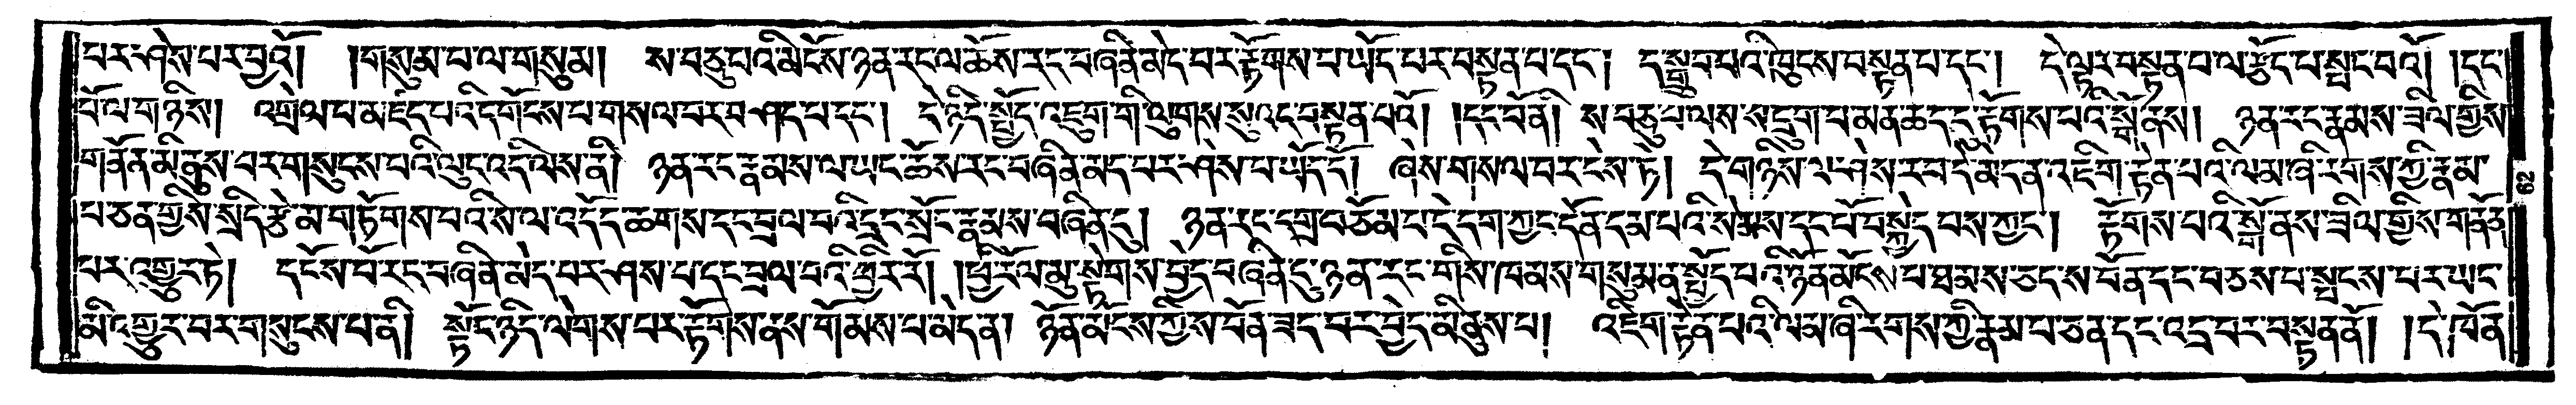པར་ཤེས་པར་བྱའོ། །གསུམ་པ་ལ་གསུམ། ས་བཅུ་པའི་མདོས་ཉན་རང་ལ་ཆོས་རང་བཞིན་མེད་པར་རྟོགས་པ་ཡོད་པར་བསྟན་པ་དང་། དེ་སྒྲུབ་པའི་ཁུངས་བསྟན་པ་དང་། དེ་ལྟར་བསྟན་པ་ལ་རྩོད་པ་སྤང་བའོ། །དང་
པོ་ལ་གཉིས། འགྲེལ་པ་མཛད་པའི་དགོངས་པ་གསལ་བར་བཤད་པ་དང་། དེ་ཉིད་སྤྱོད་འཇུག་གི་ལུགས་སུའང་བསྟན་པའོ། །དང་པོ་ནི། ས་བཅུ་པ་ལས་ས་དྲུག་པ་མན་ཆད་དུ་རྟོགས་པའི་སྒོ་ནས། ཉན་རང་རྣམས་ཟིལ་གྱིས་
གནོན་མི་ནུས་པར་གསུངས་པའི་ལུང་འདི་ལས་ནི། ཉན་རང་རྣམས་ལ་ཡང་ཆོས་རང་བཞིན་མེད་པར་ཤེས་པ་ཡོད་དོ། ཞེས་གསལ་བར་ངེས་ཏེ། དེ་གཉིས་ལ་ཤེས་རབ་དེ་མེད་ན་འཇིག་རྟེན་པའི་ལམ་ཞི་རགས་ཀྱི་རྣམ་
པ་ཅན་གྱིས་སྲིད་རྩེ་མ་གཏོགས་པའི་ས་ལ་འདོད་ཆགས་དང་བྲལ་བའི་དྲང་སྲོང་རྣམས་བཞིན་དུ། ཉན་རང་དགྲ་བཅོམ་པ་དེ་དག་ཀྱང་དོན་དམ་པའི་སེམས་དང་པོ་བསྐྱེད་པས་ཀྱང་། རྟོགས་པའི་སྒོ་ནས་ཟིལ་གྱིས་གནོན་
པར་འགྱུར་ཏེ། དངོས་པོ་རང་བཞིན་མེད་པར་ཤེས་པ་དང་བྲལ་བའི་ཕྱིར་རོ། །ཕྱི་རོལ་མུ་སྟེགས་བྱེད་བཞིན་དུ་ཉན་རང་གིས་ཁམས་གསུམ་ན་སྤྱོད་པའི་ཉོན་མོངས་པ་ཐམས་ཅད་ས་བོན་དང་བཅས་པ་སྤངས་པར་ཡང་
མི་འགྱུར་བར་གསུངས་པ་ནི། སྟོང་ཉིད་ལེགས་པར་རྟོགས་ནས་གོམས་པ་མེད་ན། ཉོན་མོངས་ཀྱི་ས་བོན་ཟད་པར་བྱེད་མི་ནུས་པ། འཇིག་རྟེན་པའི་ལམ་ཞི་རགས་ཀྱི་རྣམ་པ་ཅན་དང་འདྲ་བར་བསྟན་ཏོ། །དེ་ཁོ་ན་